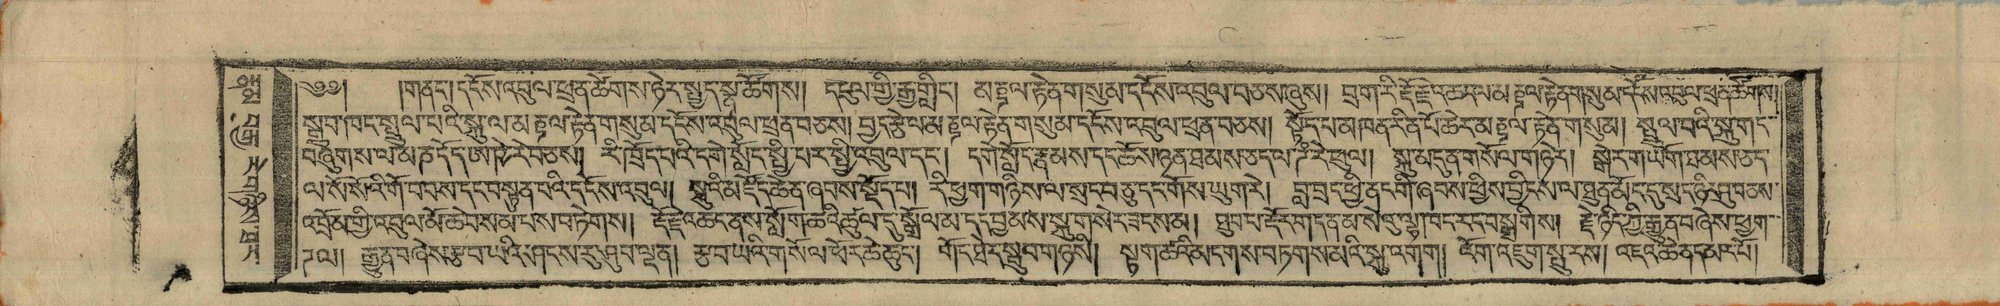༄༅། །གནང་། དངོས་འབུལ་ཕྲན་ཚེགས་ཉེར་སྤྱད་སྣ་ཚོགས། དངུལ་གྱི་རྒྱ་གླིང་། མཎྜལ་རྟེན་གསུམ་དངོས་འབུལ་བཅས་ཞུས། བྲག་རི་རྡོ་རྗེ་འཆང་ལ་མཎྜལ་རྟེན་གསུམ་དངོས་འབུལ་ཕྲན་ཚོགས།
སྒྲུབ་ཁང་སྤྲུལ་པའི་སྐུ་ལ་མཎྜལ་རྟེན་གསུམ་དངོས་འབུལ་ཕྲན་བཅས། བྱང་རྩེ་ལ་མཎྜལ་རྟེན་གསུམ་དངོས་འབུལ་ཕྲན་བཅས། སྟོད་པ་མཁན་རིན་པོ་ཆེར་མཎྜལ་རྟེན་གསུམ། སྤྲུལ་པའི་སྐུ་གང་
བཞུགས་ལ་མཎ་དོད་ཨ་ཥེ་རེ་བཅས། རི་ཁྲོད་པའི་དགེ་སློང་སྤྱི་པར་སྤྱི་འབུལ་དང་། དགེ་སློང་རྣམས་དང་ཆོས་ཉན་ཐམས་ཅད་ལ་ཌཾ་རེ་ཕུལ། སྐུ་མདུན་གསོལ་གཉེར། སྒེར་གཡོག་ཐམས་ཅད་
ལ་སོ་སོའི་གོ་བབས་དང་བསྟུན་པའི་དངོས་འབུལ། སྐུའི་མཛོད་ཆེན་ཞབས་སྡོད་བ། རི་ཕྱག་གཉིས་ལ་སྲང་བཅུ་དང་གོས་ཡུག་རེ། བླ་བྲང་ཕྱི་ནང་གི་ཞབས་ཕྱིས་བྱིངས་ལ་ཐུན་མོང་དུ་སྲང་ཉི་ཤུ་བཅས་
འབྲོམ་གྱི་འབུལ་མོ་ཆེ་བསམ་པས་བཏེགས། རྡོ་རྗེ་འཆང་ནས་སློག་ཆའི་ཚུལ་དུ་སྒྲོལ་མ་དང་བྱམས་སྐུ་གསེར་ཟངས་མ། ཐུབ་པ་རྡོར་གདན་མ་སེའུ་ལྷ་ཁང་རང་བསྒྲིགས། རྗེ་ཉིད་ཀྱི་རྒྱུན་བཞེས་ཕྱག་
ཌལ། རྒྱུན་བཞེས་རྩ་བ་ཡའི་ཤངས་རུ་ཤུབ་ལྡན། རྩ་བ་ཡའི་གསོལ་ཕོར་ཆེ་ཆུང་། གོང་ཐེར་སྦུབ་གཉིས། སྟག་ཚའི་མངགས་བཏགས་མའི་སྐུ་འགག །འོག་འཇུག་སྤུ་རས། འཇའ་ཆེན་དམར་པོ།